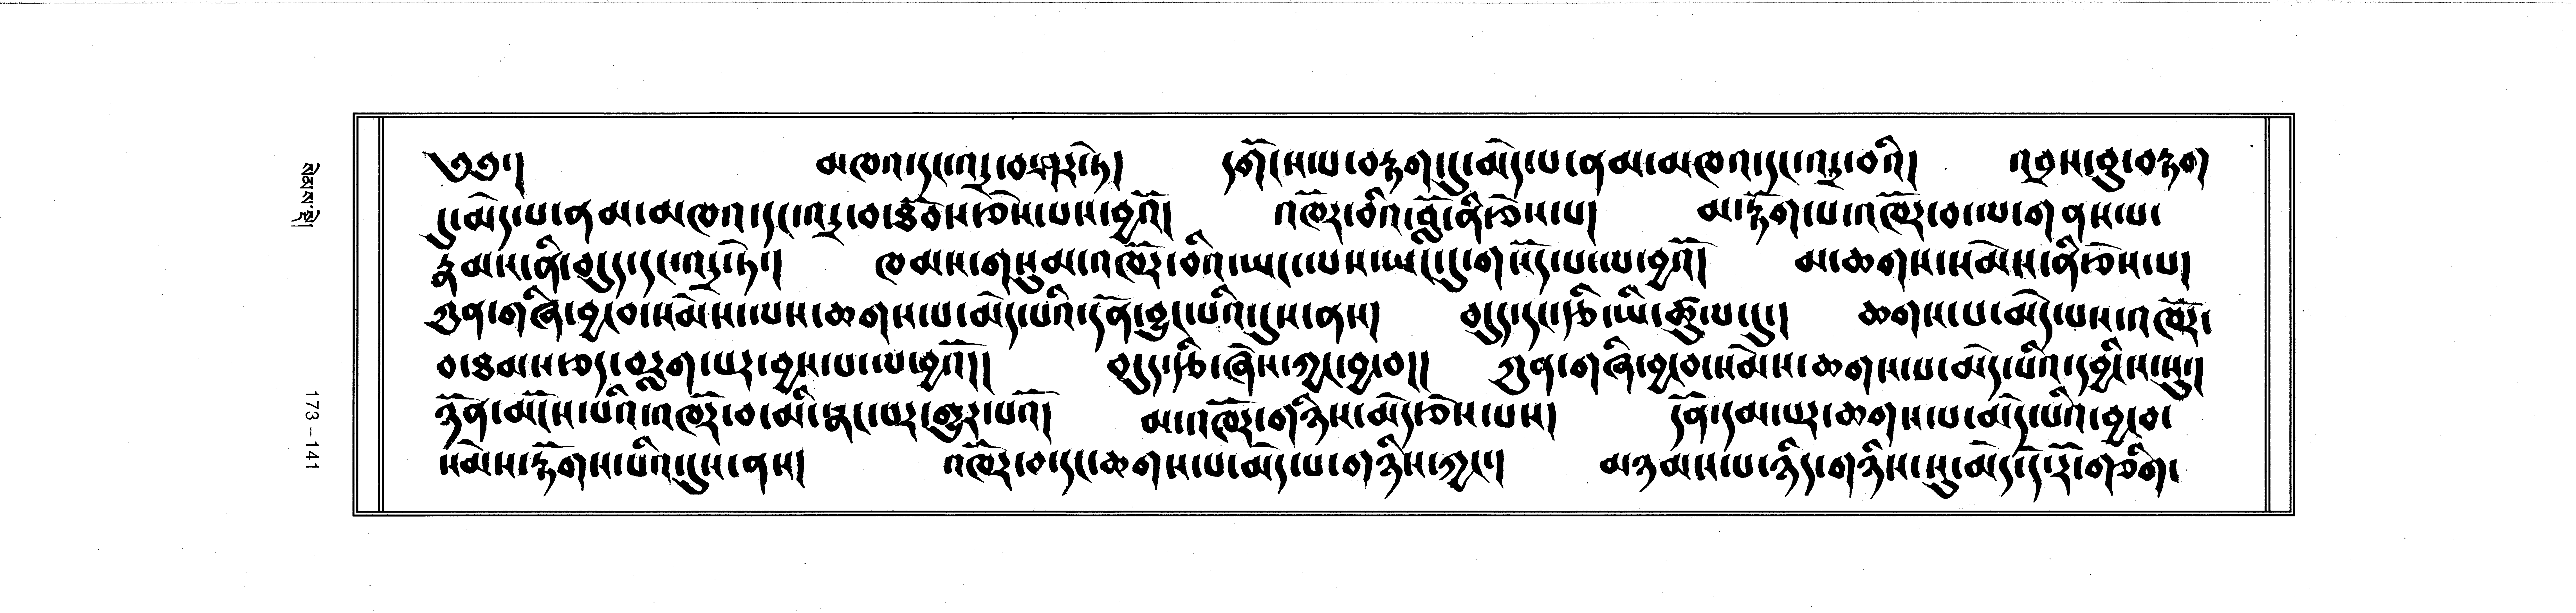མཁའ་དང་འདྲ་བ་ཤར་ཏེ། དགོངས་པ་བརྟག་ཏུ་མེད་པ་ནམ་མཁའ་དང་འདྲ་བས། འབྲས་བུ་ལ་བརྟག་
ཏུ་མེད་པ་ནམ་མཁའ་དང་འདྲ་བ་ཐོབ་ཅེས་པས་བྱའོ། །འཁོར་བའི་བློ་ནི་ཅེས་པས། མ་རྟོགས་པ་འཁོར་བ་ལ་གནས་པ་
རྣམས་ནི། བདུད་དང་འདྲ་སྟེ། ཁམས་གསུམ་འཁོར་བའི་ཡང་ལས་ཡང་དུ་གསོད་པ་ལ་བྱའོ། །མ་ཆགས་སེམས་ནི་ཅེས་པ། 
ཀུན་གཞི་བྱང་ཆུབ་སེམས་ལས་ཆགས་པ་མེད་པའི་དོན་བྱུང་བའི་དུས་ན། བདུད་དང་རྩི་ཡི་ཚུལ་དུ་ཆགས་པ་མེད་པས་འཁོར་
བ་ཐམས་ཅད་བརླག་པར་བྱས་པ་ལ་བྱའོ། །བདུད་རྩི་ཞེས་ཀྱང་བྱ་བ། ཀུན་གཞི་བྱང་ཆུབ་ཀྱི་སེམས་ཆགས་པ་མེད་པའི་དབྱིངས་སུ། 
ཉོན་མོངས་པའི་འཁོར་བ་མི་སྣང་བར་གྱུར་པ་ལ་བྱའོ། །མ་འཁོར་གཉིས་མེད་ཅེས་པས། དོན་དམ་པར་ཆགས་པ་མེད་པའི་བྱང་ཆུབ་
ཀྱི་སེམས་རྟོགས་པའི་དུས་ན། འཁོར་བ་དང་ཆགས་པ་མེད་པ་གཉིས་ཀྱང་མཉམ་པ་ཉིད་གཉིས་སུ་མེད་དེ་རོ་གཅིག་